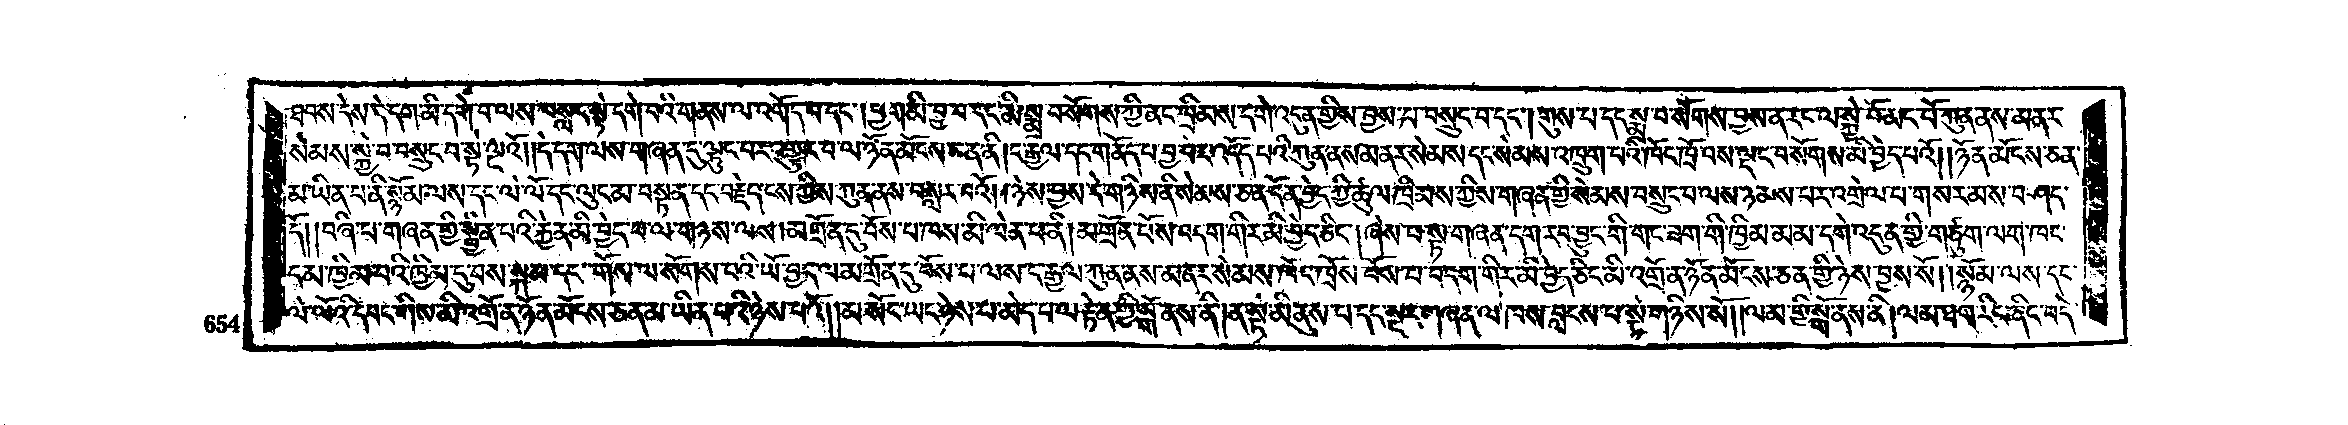ཐབས་དེས་དེ་དག་མི་དགེ་བ་ལས་བསླང་སྟེ་དགེ་བའི་གནས་ལ་འགོད་པ་དང་། ཕྱག་མི་བྱ་བ་དང་མི་སྨྲ་བ་སོགས་ཀྱི་ནང་ཁྲིམས་དགེ་འདུན་གྱིས་བྱས་པ་བསྲུང་བ་དང་། གུས་པ་དང་སྨྲ་བ་སོགས་བྱས་ན་རང་ལ་སྐྱེ་བོ་མང་པོ་ཀུན་ནས་མནར་
སེམས་སྐྱེ་བ་བསྲུང་བ་སྟེ་ལྔའོ། །དེ་དག་ལས་གཞན་དུ་ལྟུང་བར་འགྱུར་བ་ལ་ཉོན་མོངས་ཅན་ནི། ང་རྒྱལ་དང་གནོད་པ་བྱ་བར་འདོད་པའི་ཀུན་ནས་མནར་སེམས་དང་སེམས་འཁྲུག་པའི་ཁོང་ཁྲོ་བས་ལྡང་བ་སོགས་མི་བྱེད་པའོ། །ཉོན་མོངས་ཅན་
མ་ཡིན་པ་ནི་སྙོམ་ལས་དང་ལེ་ལོ་དང་ལུང་མ་བསྟན་དང་བརྗེད་ངས་ཀྱིས་ཀུན་ནས་བསླར་བའོ། །ཉེས་བྱས་དེ་གཉིས་ནི་སེམས་ཅན་དོན་བྱེད་ཀྱི་ཚུལ་ཁྲིམས་ཀྱིས་གཞན་གྱི་སེམས་བསྲུང་བ་ལས་ཉམས་པར་འགྲེལ་པ་གསར་མས་བཤད་
དོ། །བཞི་པ་གཞན་གྱི་སྦྱིན་པའི་རྐྱེན་མི་བྱེད་པ་ལ་གཉིས་ལས། མགྲོན་དུ་བོས་པ་ཁས་མི་ལེན་པ་ནི། མགྲོན་པོས་བདག་གིར་མི་བྱེད་ཅིང་། ཞེས་པ་སྟེ་གཞན་དག་རབ་བྱུང་གི་གང་ཟག་གི་ཁྱིམ་མམ་དགེ་འདུན་གྱི་གཙུག་ལག་ཁང་
དམ་ཁྱིམ་པའི་ཁྱིམ་དུ་བས་སྐམ་དང་གོས་ལ་སོགས་པའི་ཡོ་བྱད་ལ་མགྲོན་དུ་བོས་པ་ལས་ང་རྒྱལ་ཀུན་ནས་མནར་སེམས་ཁོང་ཁྲོས་བོས་པ་བདག་གིར་མི་བྱེད་ཅིང་མི་འགྲོ་ན་ཉོན་མོངས་ཅན་གྱི་ཉེས་བྱས་སོ། །སྙོམ་ལས་དང་
ལེ་ལོའི་དབང་གིས་མི་འགྲོ་ན་ཉོན་མོངས་ཅན་མ་ཡིན་པའི་ཉེས་པའོ། །མ་སོང་ཡང་ཉེས་པ་མེད་པ་ལ་རྟེན་གྱི་སྒོ་ནས་ནི། ན་སྟེ་མི་ནུས་པ་དང་སྔར་གཞན་ལ་ཁས་བླངས་པ་སྟེ་གཉིས་སོ། །ལམ་གྱི་སྒོ་ནས་ནི། ལམ་ཐག་རིང་ཞིང་བདེ་